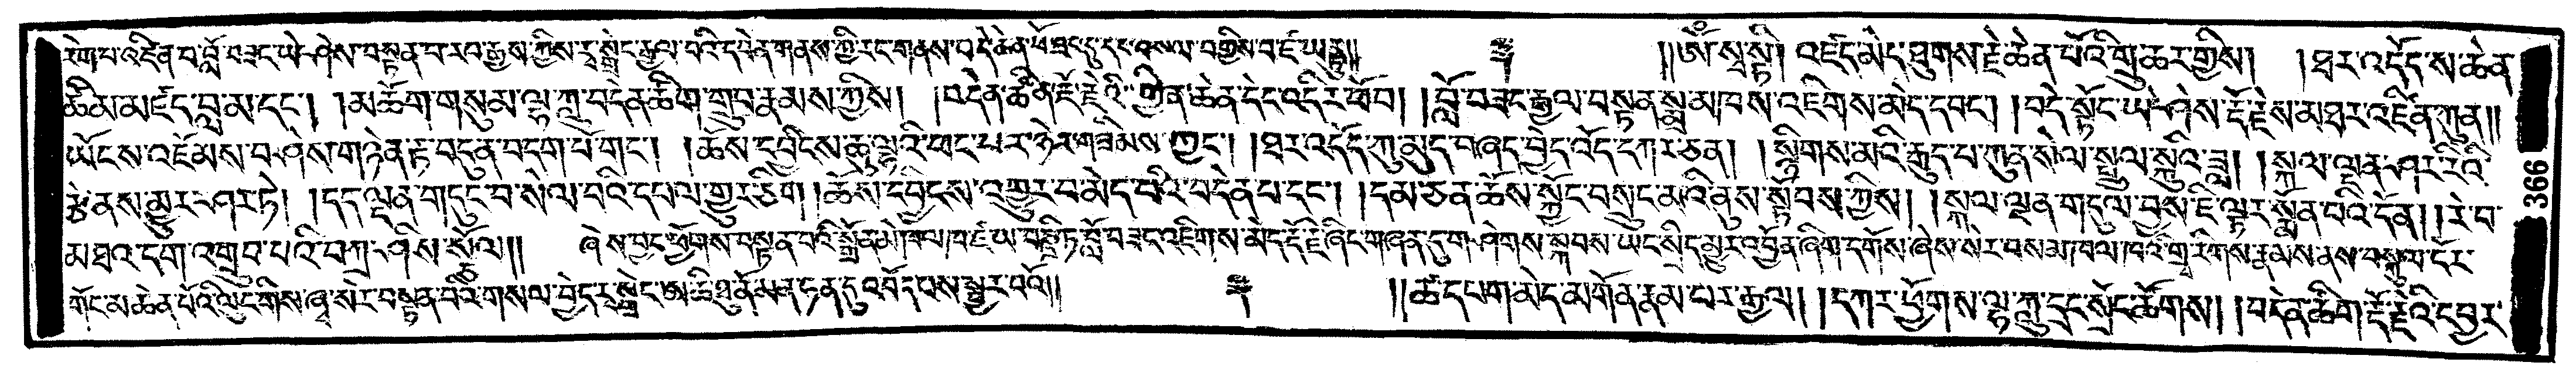རིག་པ་འཛིན་བ་བློ་བཟང་ཡེ་ཤེས་བསྟན་པ་རབ་རྒྱས་ཀྱིས་རྭ་སྒྲེང་རྒྱལ་བའི་དབེན་གནས་ཀྱི་རང་གནས་བདེ་ཆེན་ཕོ་བྲང་དུ་དང་བསལ་བགྱིས་བ་ཛ་ཡནྟུ།། ༈ །།ཨོཾ་སྭ་སྟི། འཛད་མེད་ཐུགས་རྗེ་ཆེན་པོའི་གྲུ་ཆར་གྱིས། །ཐར་འདོད་ས་ཆེན་
ཚིམ་མཛད་བླ་མ་དང་། །མཆོག་གསུམ་ལྷ་ཀླུ་བདེན་ཚིག་གྲུབ་རྣམས་ཀྱིས། །བདེན་ཚིན་རྡོ་རྗེའི་གྱིན་ཆེན་དེང་འདིར་ཕོབ། །བློ་བཟང་རྒྱལ་བསྟན་སྨྲ་མཁས་འཇིགས་མེད་དབང་། །བདེ་སྟོང་ཡེ་ཤེས་རྡོ་རྗེས་མཐར་འཛིན་ཀུན། །
ཡོངས་འཇོམས་བཤེས་གཉེན་རྟ་བདུན་བདག་པོ་གང་། །ཆོས་དབྱིངས་ཆུ་ལྷའི་ཕང་པར་ཉེར་གཟིམས་ཀྱང་། །ཐར་འདོད་ཀུ་མུད་བཞད་བྱེད་འོད་དཀར་ཅན། །སྙིགས་མའི་རྒུད་པ་ཀུན་སེལ་སྤྲུལ་སྐུའི་ཟླ། །སྐལ་ལྡན་ཤར་རིའི་
རྩེ་ནས་མྱུར་ཤར་ཏེ། །དད་ལྡན་གདུང་བ་སེལ་བའི་དཔལ་གྱུར་ཅིག །ཆོས་དབྱིངས་འགྱུར་བ་མེད་པའི་བདེན་པ་དང་། །དམ་ཅན་ཆོས་སྐྱོང་བསྲུང་མའི་ནུས་སྟོབས་ཀྱིས། །སྐལ་ལྡན་གདུལ་བྱས་ཇི་ལྟར་སྨོན་པའི་དོན། །རེ་བ་
མཐའ་དག་འགྲུབ་པའི་བཀྲ་ཤིས་སྩོལ། །ཞེས་བྱང་ཕྱོགས་བསྟན་པའི་སྒྲོན་མེ་ཁལ་ཁ་ཛ་ཡ་པཎྜི་ཏ་བློ་བཟང་འཇིགས་མེད་རྡོ་རྗེ་ཞིང་གཞན་དུ་གཤེགས་སྐབས་ཡང་སྲིད་མྱུར་འབྱོན་ཞིག་དགོས་ཞེས་སེར་བསམ་ཁལ་ཁའི་གྲྭ་རིགས་རྣམས་ནས་བསྐུལ་ངོར་
གོང་མ་ཆེན་པོའི་ལུང་གིས་ཞྭ་སེར་བསྟན་པའི་གསལ་བྱེད་རྭ་སྒྲེང་ཨ་ཆི་ཐུ་ནོ་མོན་ཧན་དུ་འབོད་པས་སྦྱར་བའོ།། ༈ །།ཚེ་དཔག་མེད་མགོན་རྣམ་པར་རྒྱལ། །དཀར་ཕྱོགས་ལྷ་ཀླུ་དྲང་སྲོང་ཚོགས། །བདེན་ཚིག་རྡོ་རྗེའི་དབྱར་